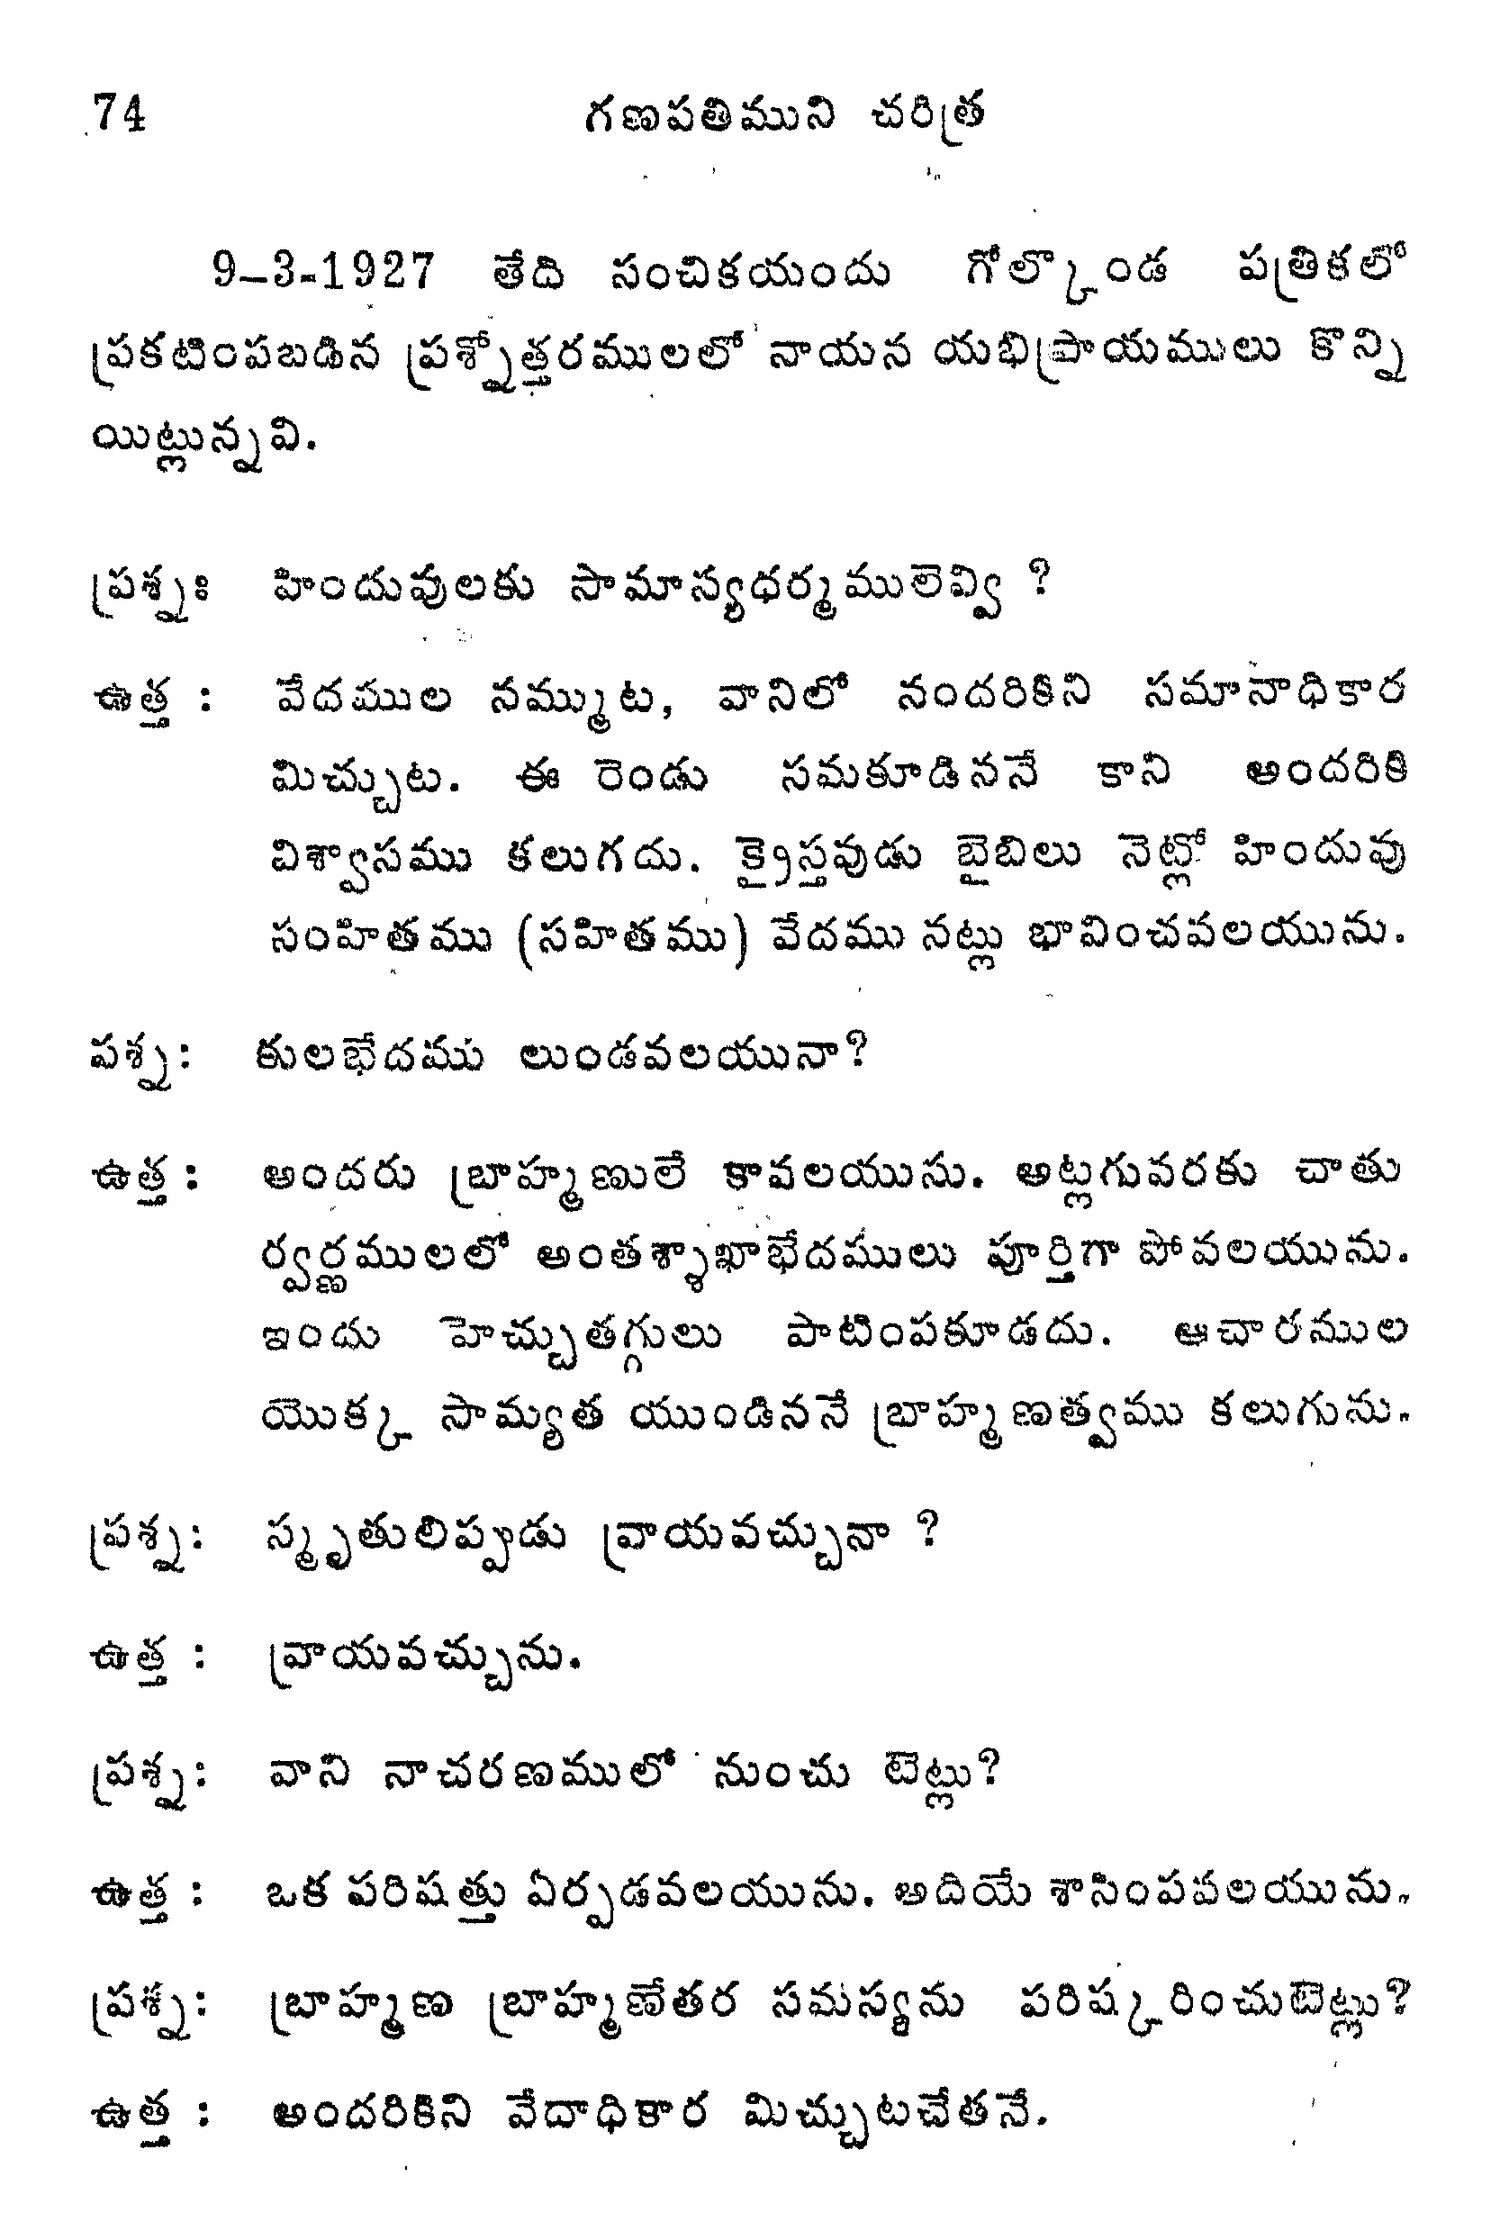9-3-1927 తేది సంచికయందు గోల్కొండ పత్రికలో ప్రకటింపబడిన ప్రశ్నోత్తరములలో నాయన యభిప్రాయములు కొన్ని యిట్లున్నవి.

ప్రశ్న: హిందువులకు సామాన్యధర్మములెవ్వి?

ఉత్త: వేదముల నమ్ముట, వానిలో నందరికిని సమానాధికార మిచ్చుట. ఈ రెండు సమకూడిననే కాని అందరికి విశ్వాసము కలుగదు. క్రైస్తవుడు బైబిలు నెట్లో హిందువు సంహితము (సహితము) వేదము నట్లు భావించవలయును.

ప్రశ్న: కులభేదము లుండవలయునా?

ఉత్త: అందరు బ్రాహ్మణులే కావలయును. అట్లగువరకు చాతుర్వర్ణములలో అంతశ్శాఖాభేదములు పూర్తిగా పోవలయును. ఇందు హెచ్చుతగ్గులు పాటింపకూడదు. ఆచారముల యొక్క సామ్యత యుండిననే బ్రాహ్మణత్వము కలుగును.

ప్రశ్న: స్మృతులిప్పుడు వ్రాయవచ్చునా?

ఉత్త: వ్రాయవచ్చును.

ప్రశ్న: వాని నాచరణములో నుంచు టెట్లు?

ఉత్త: ఒక పరిషత్తు ఏర్పడవలయును. అదియే శాసింపవలయును.

ప్రశ్న: బ్రాహ్మణ బ్రాహ్మణేతర సమస్యను పరిష్కరించుటెట్లు?

ఉత్త: అందరికిని వేదాధికార మిచ్చుటచేతనే.